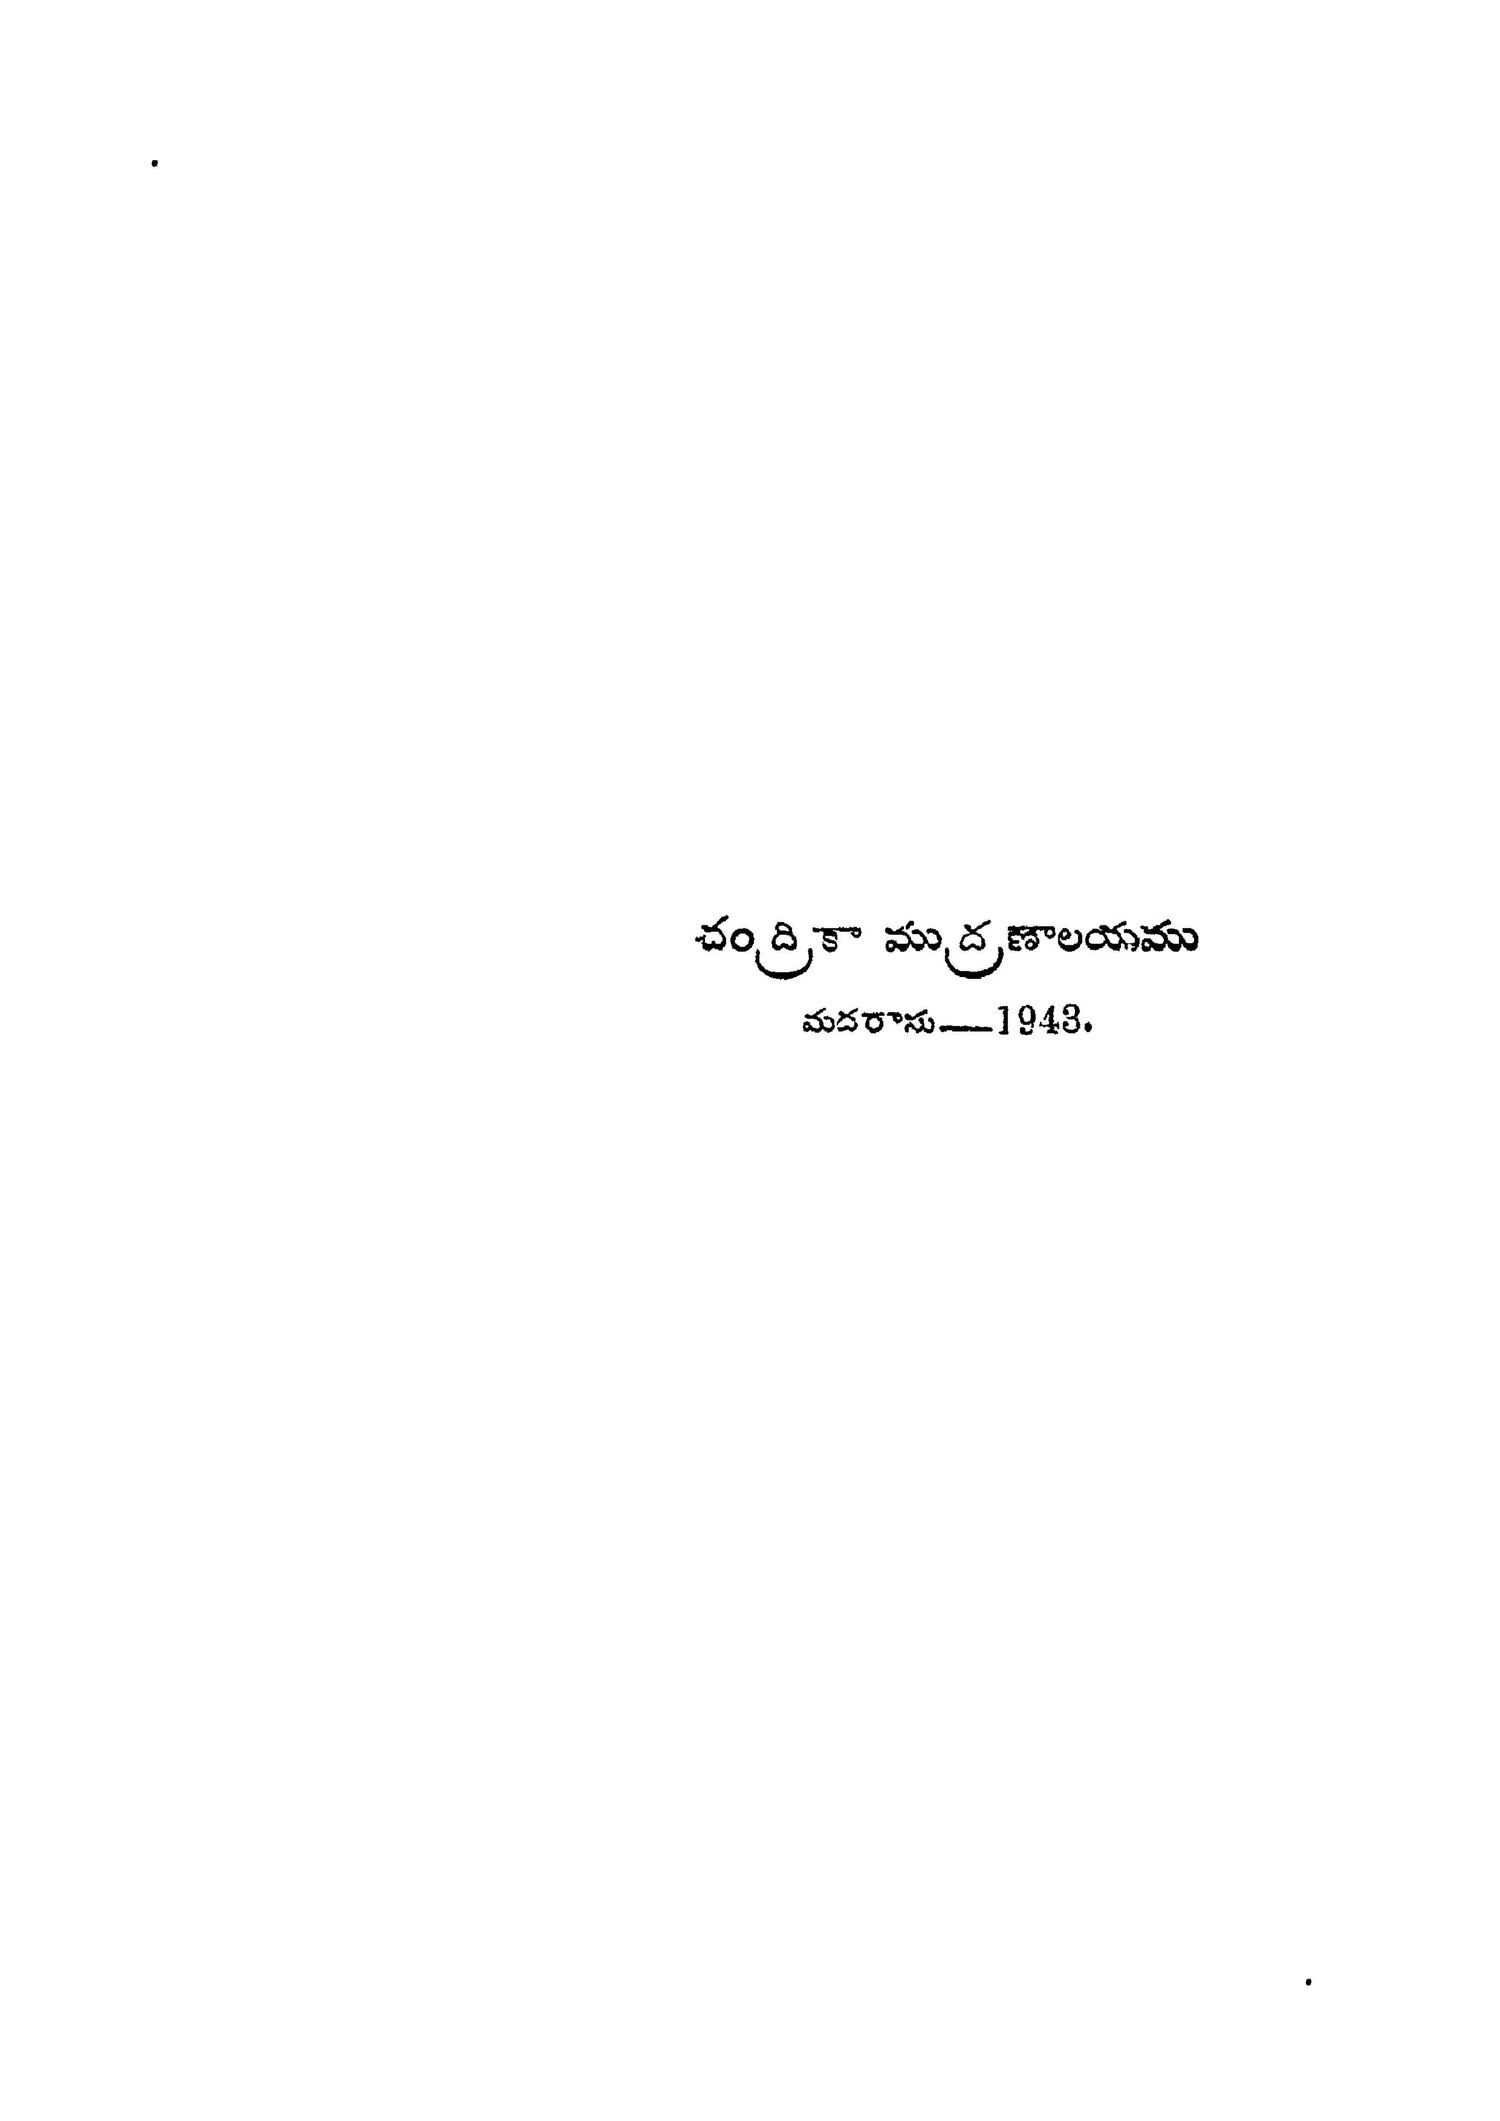చంద్రికా ముద్రణాలయము